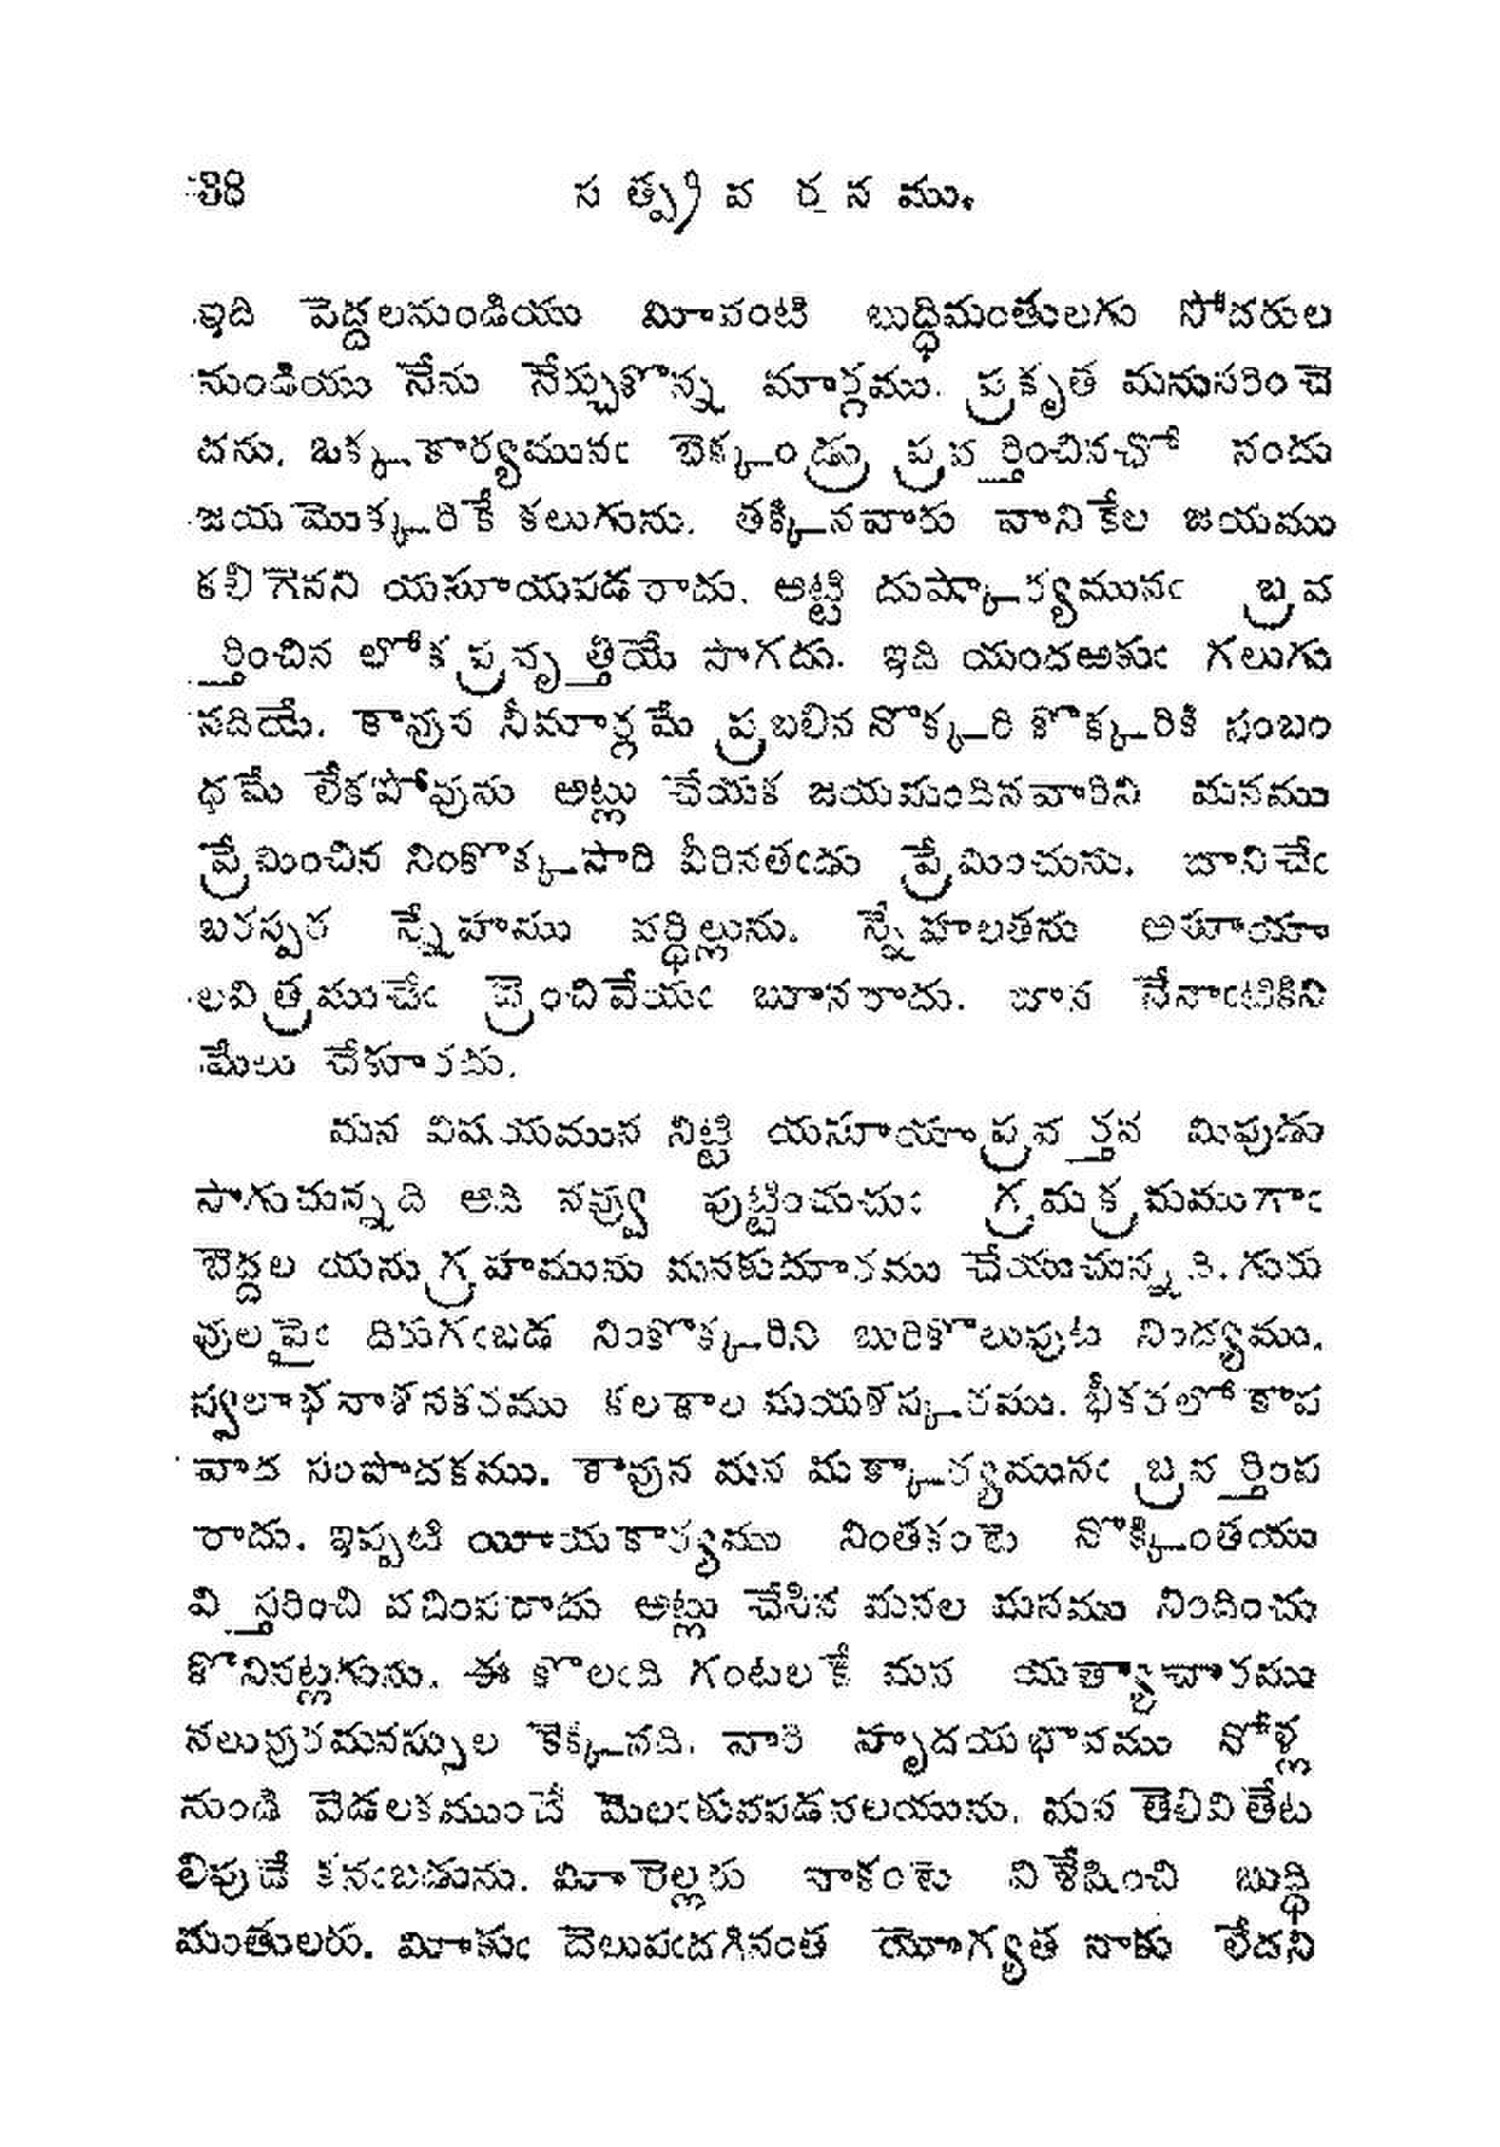ఇది పెద్దలనుండియు మీవంటి బుద్ధిమంతులగు సోదరుల నుండియు 'నేను నేర్చుకొన్న మార్గము. ప్రకృత మనుసుంచెదను. ఒక్క కార్యమునఁ బెక్కండ్రు ప్రవర్తించినచో నందు జయ మొక్క.రికే కలుగును. తక్కినవారు వాని కేల జయము కలిగెనని యసూయపడ రాదు. అట్టి దుష్కార్యమునఁ బ్రవర్తించిన లోక ప్రవృత్తియే సాగదు. ఇది యందఱకుఁ గలుగు నదియే. కావున నీ మార్గమే ప్రబలిన నొక్కరికొక్కరికి సంబంధమే లేక పోవును. అట్లు చేయక జయమందిన వారిని మనము ప్రేమించిన నింకొక్కసారి వీరినతడు ప్రేమించును. దానిచేఁ బనస్పర స్నేహము వర్ధిల్లును. స్నేహలతను అసూయా లవి త్రముచేఁ ద్రెంచివేయుఁ బూన రాదు. దాననేనాఁటికి మేలు చేకూరదు.

మన విషయమున నిట్టీ యసూయాపనర్తన మీపుడు సాగుచున్నది అని నవ్వు పుట్టించుచు: గ్రమక్రమముగా, బెద్దల యను గృహమును మనకు దూరము చేయుచున్నది. గురువుల పై దిగఁబడ నింకొక్కరికిని బురికొలుపుట నింద్యము, స్వలాభనాశనకరము కలకాల మయస్క రము. భీకరలోకోపవాద సంపొదకము. కావున మన మక్కార్యమునల అవర్తింప రాదు. ఇప్పటి యీము కార్వము నింతకంటె నొక్కింతయు విస్తరించి వచింప రాదు అట్లు చేసిన మనల మనము నిందించు కొనినట్లగును. ఈ కొలది గంటల . మన ముత్యాచారము సలువున మనస్సుల "కెక్కినది. నా హృదయ భావము నోళ్ల నుండి వెడలకముంచే మెలకువపడ వలయును. మన తెలివి తేట లిపుడే కనబడును. మీరెల్లలు నాకంటే విశేషించి బుద్ధి ముతులరు. మీకుఁ దెలుపఁదగినంత యోగ్యత నాకు లేదని